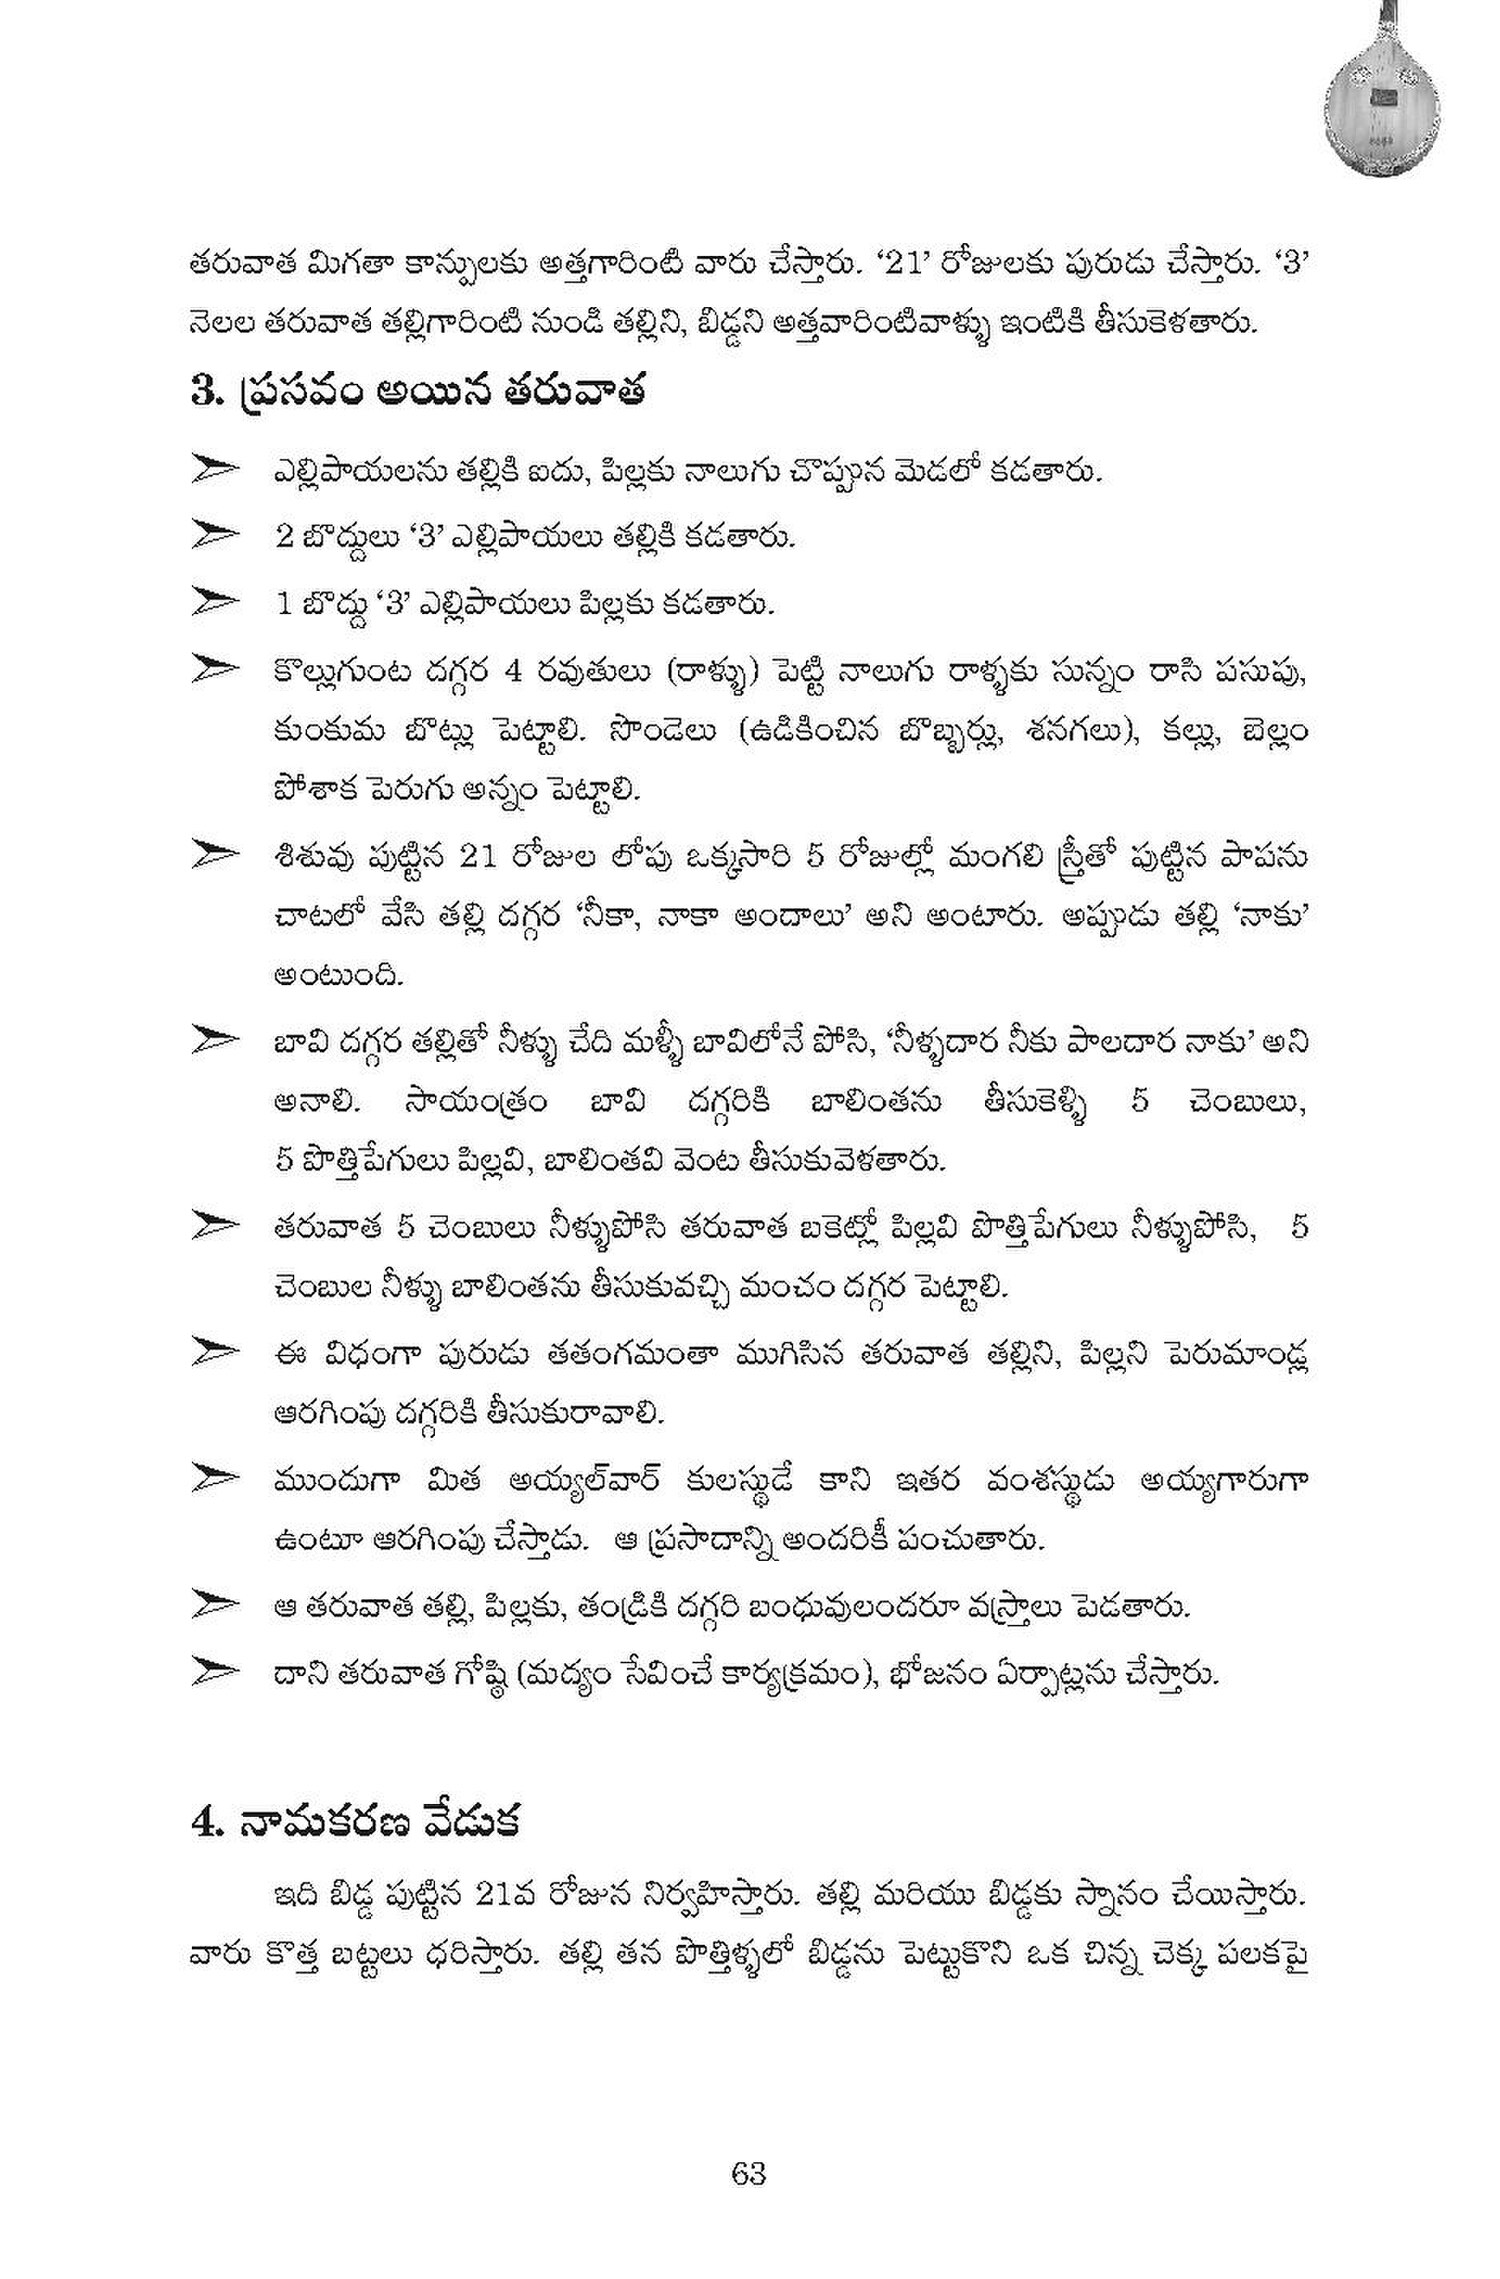తరువాత మిగతా కాన్పులకు అత్తగారింటి వారు చేస్తారు. '21' రోజులకు పురుడు చేస్తారు. '3' నెలల తరువాత తల్లిగారింటి నుండి తల్లిని, బిడ్డని అత్తవారింటివాళ్ళు ఇంటికి తీసుకెళతారు.

3. ప్రసవం అయిన తరువాత 

ఎల్లిపాయలను తల్లికి ఐదు, పిల్లకు నాలుగు చొప్పున మెడలో కడతారు.

2 బొద్దులు '3' ఎల్లిపాయలు తల్లికి కడతారు.

1 బొద్దు '3' ఎల్లిపాయలు పిల్లకు కడతారు.

కొల్లుగుంట దగ్గర 4 రవుతులు (రాళ్ళు) పెట్టి నాలుగు రాళ్ళకు సున్నం రాసి పసుపు, కుంకుమ బొట్లు పెట్టాలి. సొండెలు (ఉడికించిన బొబ్బర్లు, శనగలు), కల్లు, బెల్లం పోశాక పెరుగు అన్నం పెట్టాలి.

శిశువు పుట్టిన 21 రోజుల లోపు ఒక్కసారి 5 రోజుల్లో మంగలి స్త్రీతో పుట్టిన పాపను చాటలో వేసి తల్లి దగ్గర 'నీకా, నాకా అందాలు' అని అంటారు. అప్పుడు తల్లి 'నాకు' అంటుంది.

బావి దగ్గర తల్లితో నీళ్ళు చేది మళ్ళీ బావిలోనే పోసి, 'నీళ్ళదార నీకు పాలదార నాకు' అని అనాలి. సాయంత్రం బావి దగ్గరికి బాలింతను తీసుకెళ్ళి 5 చెంబులు, 5 పొత్తిపేగులు పిల్లవి, బాలింతవి వెంట తీసుకువెళతారు.

తరువాత 5 చెంబులు నీళ్ళుపోసి తరువాత బకెట్లో పిల్లవి పొత్తిపేగులు నీళ్ళుపోసి, 5 చెంబుల నీళ్ళు బాలింతను తీసుకువచ్చి మంచం దగ్గర పెట్టాలి.

ఈ విధంగా పురుడు తతంగమంతా ముగిసిన తరువాత తల్లిని, పిల్లని పెరుమాండ్ల ఆరగింపు దగ్గరికి తీసుకురావాలి.

ముందుగా మిత అయ్యల్వార్ కులస్థుడే కాని ఇతర వంశస్థుడు అయ్యగారుగా ఉంటూ ఆరగింపు చేస్తాడు. ఆ ప్రసాదాన్ని అందరికీ పంచుతారు.

ఆ తరువాత తల్లి, పిల్లకు, తండ్రికి దగ్గరి బంధువులందరూ వస్త్రాలు పెడతారు.

దాని తరువాత గోష్ఠి (మద్యం సేవించే కార్యక్రమం), భోజనం ఏర్పాట్లను చేస్తారు.

4. నామకరణ వేడుక 

ఇది బిడ్డ పుట్టిన 21వ రోజున నిర్వహిస్తారు. తల్లి మరియు బిడ్డకు స్నానం చేయిస్తారు. వారు కొత్త బట్టలు ధరిస్తారు. తల్లి తన పొత్తిళ్ళలో బిడ్డను పెట్టుకొని ఒక చిన్న చెక్క పలకపై